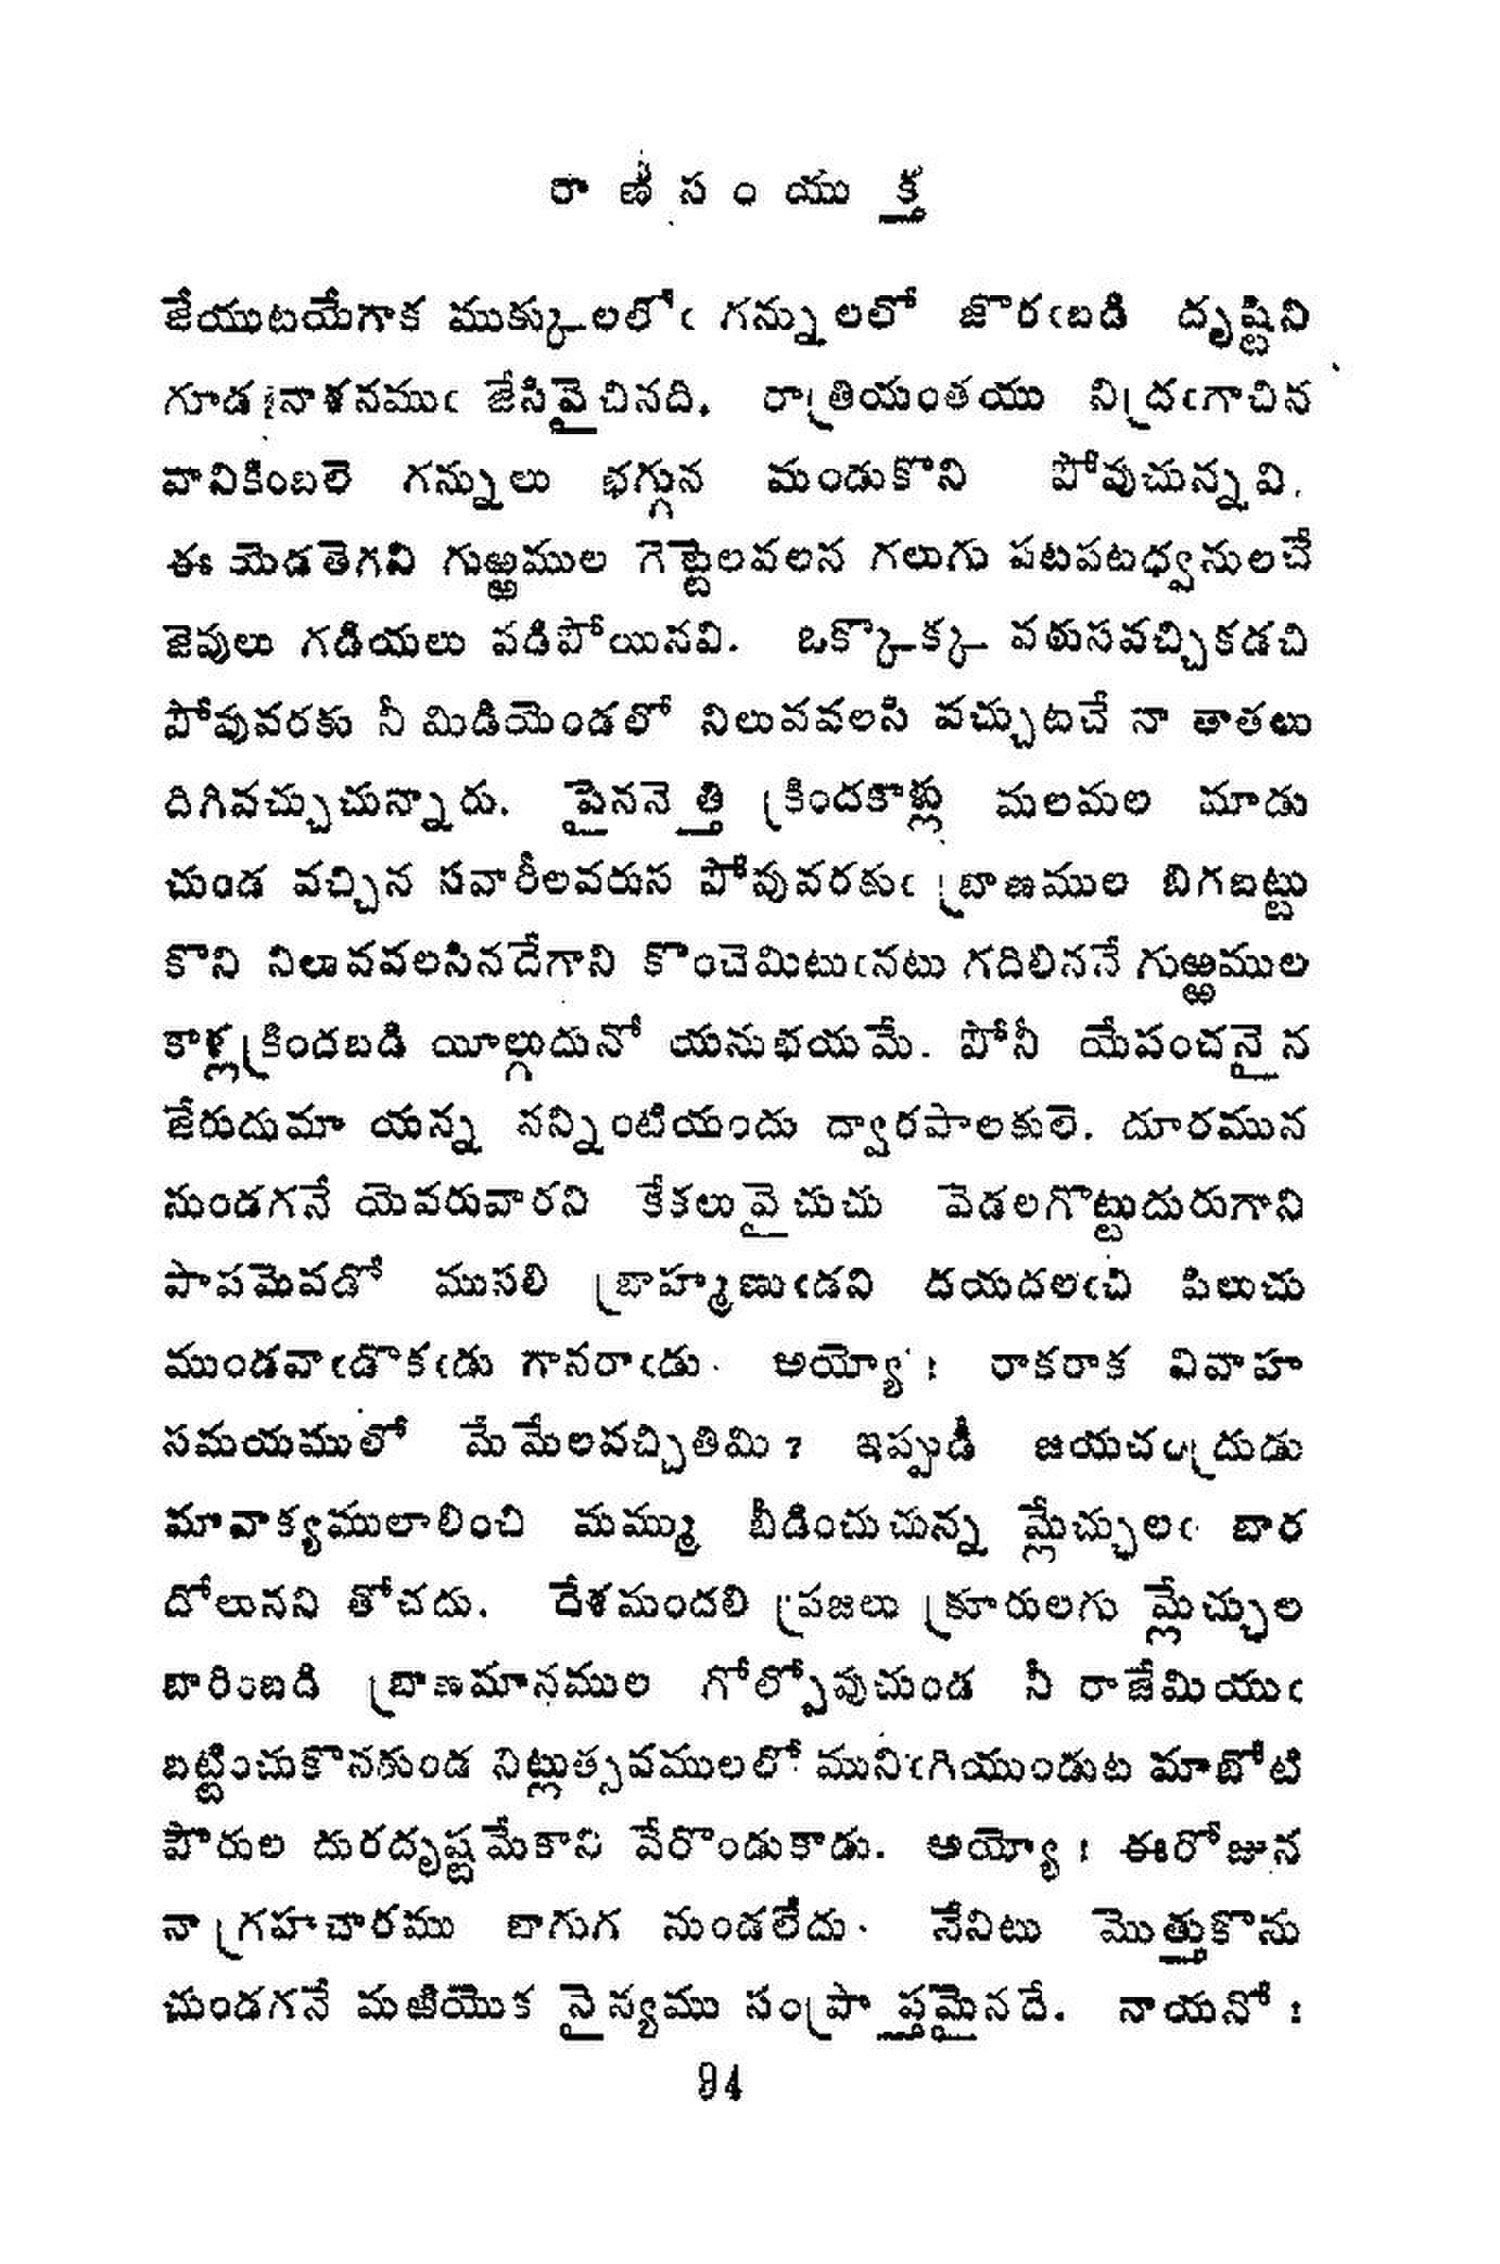జేయుటయేగాక ముక్కులలోఁ గన్నులలో జొరఁబడి దృష్టిని గూడ నాశనముఁ జేసివైచినది. రాత్రియంతయు నిద్రఁగాచిన వానికింబలె గన్నులు భగ్గున మండుకొని పోవుచున్నవి. ఈ యెడతెగని గుఱ్ఱముల గెట్టెలవలన గలుగు పటపటధ్వనులచే జెవులు గడియలు పడిపోయినవి. ఒక్కొక్క వరుసవచ్చికడచి పోవువరకు నీ మిడియెండలో నిలువవలసి వచ్చుటచే నా తాతలు దిగివచ్చుచున్నారు. పైననెత్తి క్రిందకాళ్లు మలమల మాడుచుండ వచ్చిన సవారీలవరుస పోవువరకుఁ బ్రాణముల బిగబట్టుకొని నిలవవలసినదేగాని కొంచెమిటుఁనటు గదిలిననే గుఱ్ఱముల కాళ్ల క్రిందబడి యీల్గుదునో యనుభయమే. పోనీ యేపంచనైన జేరుదుమా యన్న నన్నింటియందు ద్వారపాలకులే. దూరమున నుండగనే యెవరువారని కేకలువైచుచు వెడలగొట్టుదురుగాని పాపమెవడో ముసలి బ్రాహ్మణుఁడని దయదలఁచి పిలుచు ముండవాఁడొకఁడు గానరాఁడు. అయ్యో! రాకరాక వివాహ సమయములో మేమేలవచ్చితిమి? ఇప్పుడీ జయచంద్రుడు మావాక్యములాలించి మమ్ము బీడించుచున్న మేచ్ఛులఁ బారదోలునని తోచదు. దేశమందలి ప్రజలు క్రూరులగు మ్లేచ్చుల బారింబడి బ్రాణమానముల గోల్పోవుచుండ నీ రాజేమియుఁ బట్టించుకొనకుండ నిట్లుత్సవములలో మునిఁగియుండుట మాబోటి పౌరుల దురదృష్టమేకాని వేరొండుకాడు. అయ్యో! ఈరోజున నా గ్రహచారము బాగుగ నుండలేదు. నేనిటు మొత్తుకొను చుండగనే మఱియొక సైన్యము సంప్రాప్తమైనదే. నాయనో !